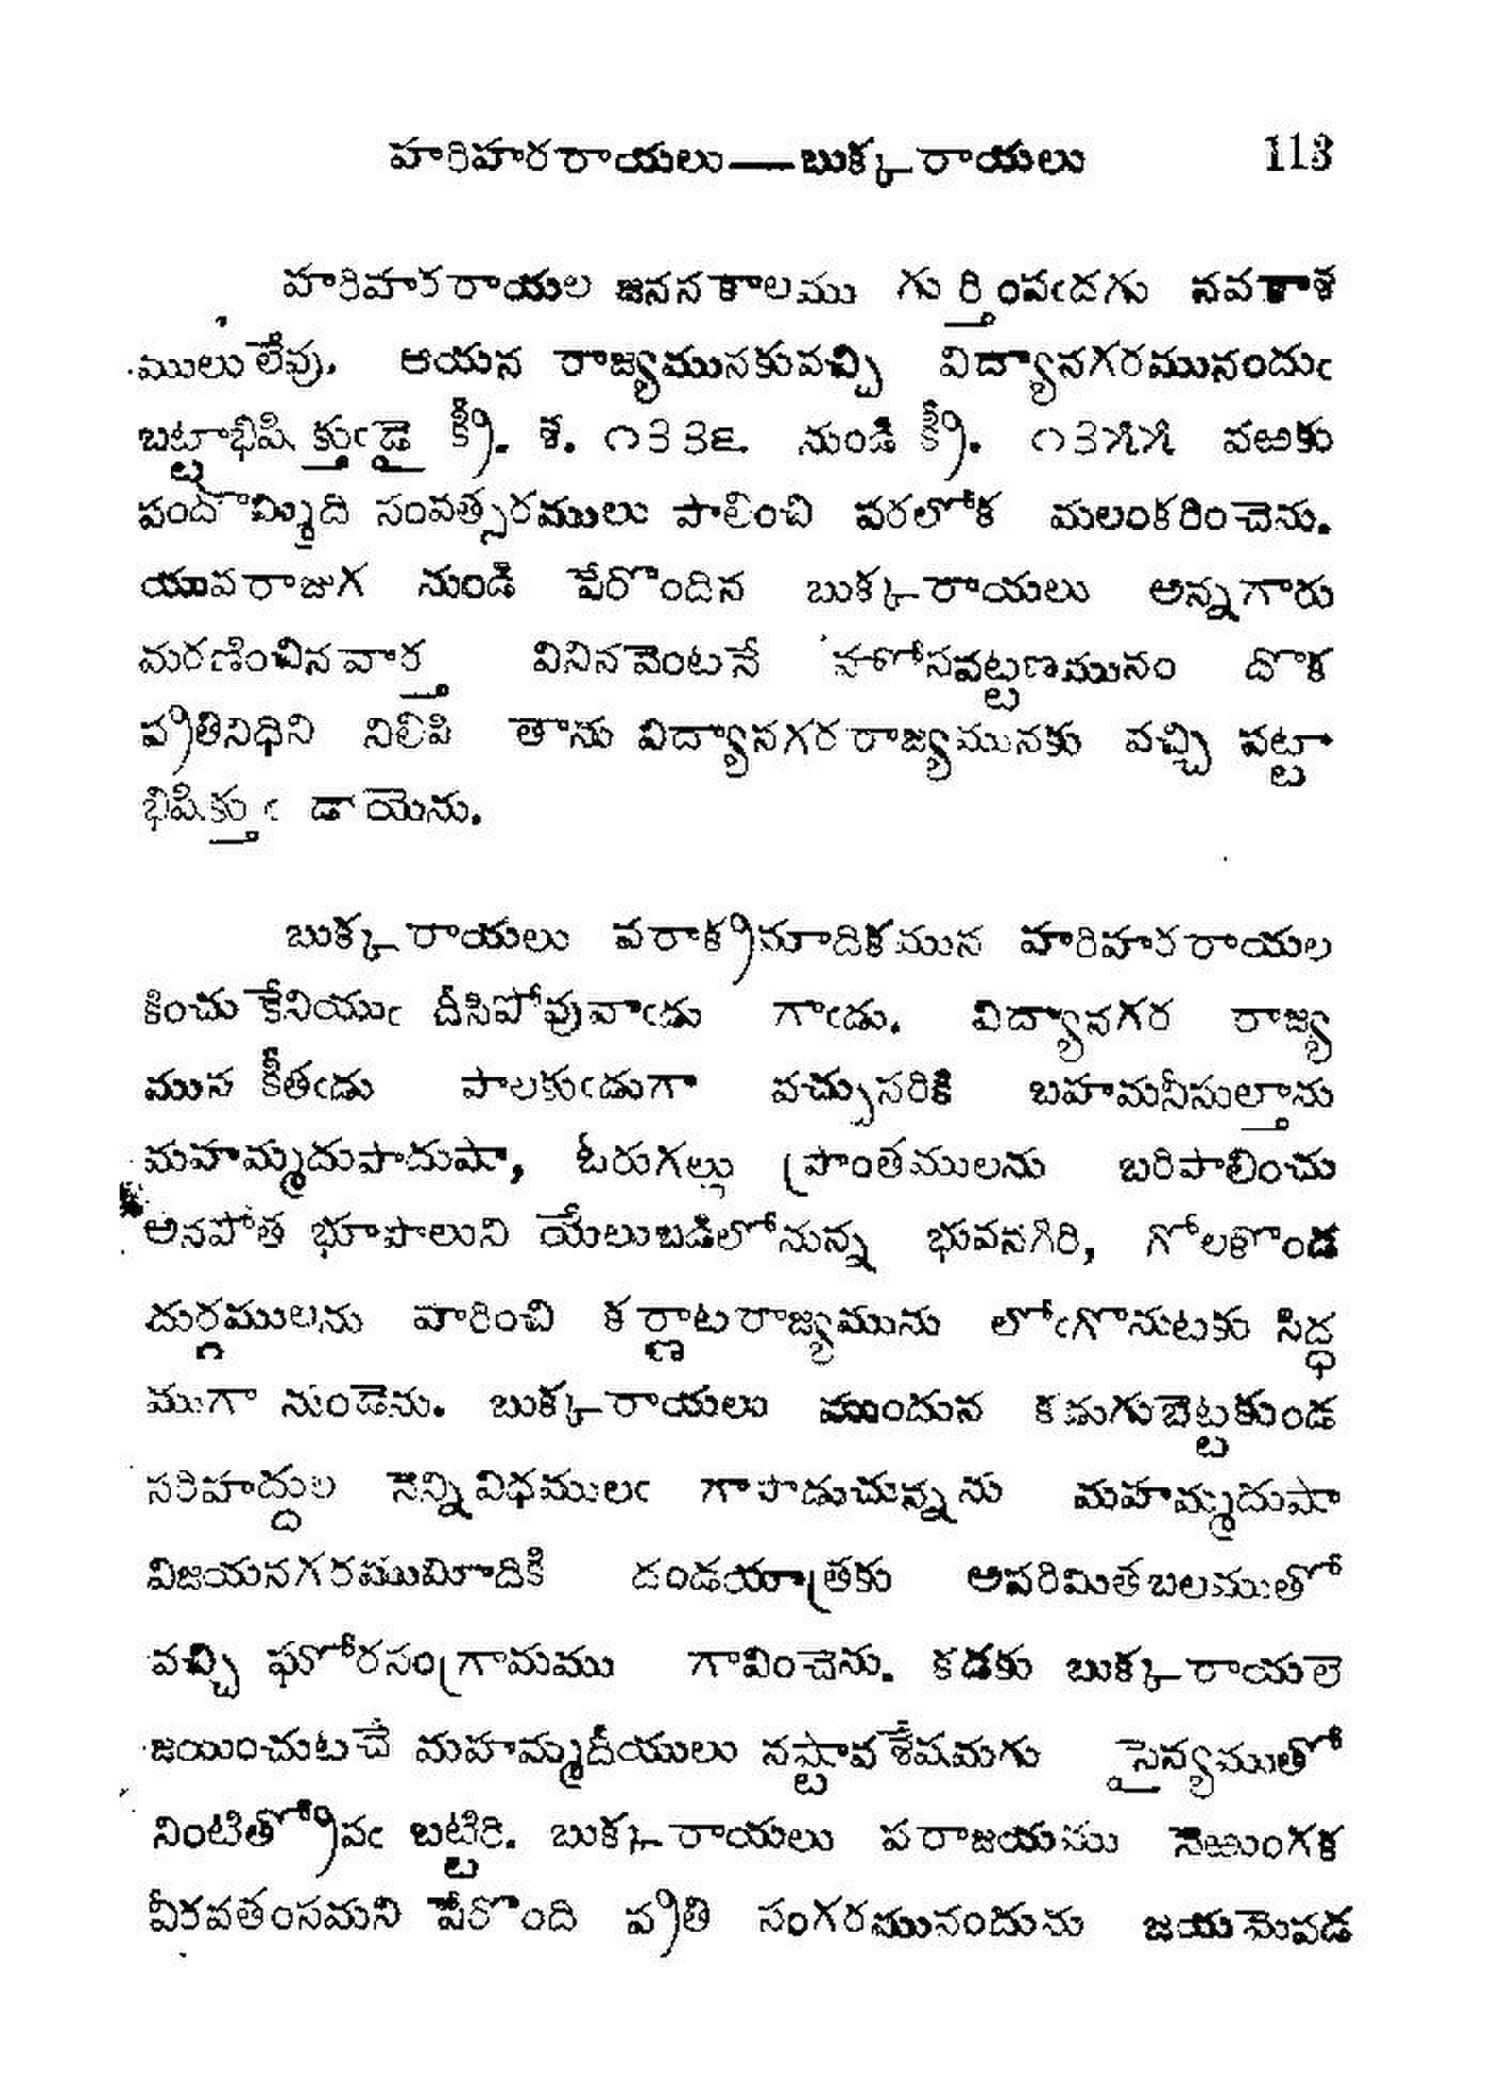హరిహరరాయల జననకాలము గుర్తింపదగు నవకాశములులేవు. ఆయన రాజ్యమునకువచ్చి విద్యానగరమునందు బట్టాభిషిక్తుడై క్రీ.శ. 1336 నుండి క్రీ.శ. 1355 వఱకు పందొమ్మిది సంవత్సరములు పాలించి పరలోక మలంకరించెను. యువరాజుగ నుండి పేరొందిన బుక్కరాయలు అన్నగారు మరణించినవార్త వినినవెంటనే హోసపట్టణమునం దొక ప్రతినిధిని నిలిపి తాను విద్యానగరరాజ్యమునకు వచ్చి పట్టాభిషిక్తు డాయెను.

బుక్కరాయలు పరాక్రమాదికమున హరిహరరాయల కించుకేనియు దీసిపోవువాడు గాడు. విద్యానగర రాజ్యమున కీతడు పాలకుడుగా వచ్చుసరికి బహమనీసుల్తాను మహమ్మదుపాదుషా, ఓరుగల్లు ప్రాంతములను బరిపాలించు అనపోత భూపాలుని యేలుబడిలోనున్న భువనగిరి, గోలకొండ దుర్గములను వారించి కర్ణాటరాజ్యమును లోగొనుటకు సిద్ధముగా నుండెను. బుక్కరాయలు ముందున కడుగుబెట్టకుండ సరిహద్దుల నెన్నివిధముల గాపాడుచున్నను మహమ్మదుషా విజయనగరముమీదికి దండయాత్రకు అపరిమితబలముతో వచ్చి ఘోరసంగ్రామము గావించెను. కడకు బుక్కరాయలె జయించుటచే మహమ్మదీయులు నష్టావశేషమగు సైన్యముతో నింటిత్రోవ బట్టిరి. బుక్కరాయలు పరాజయము నెఱుంగక వీరవతంసమని పేరొంది ప్రతి సంగరమునందును జయమెవడ